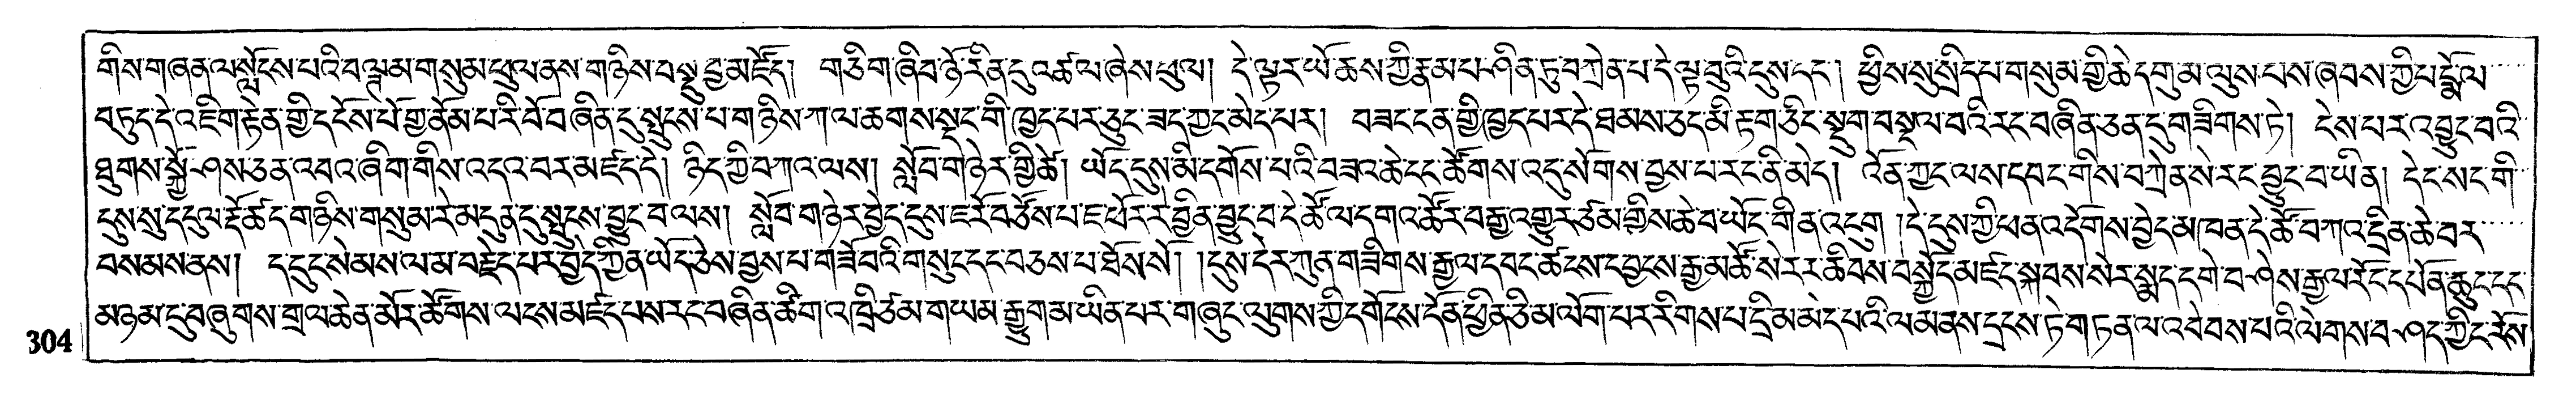གིས་གཞན་ལ་སློངས་པའི་བལྚམ་གསུམ་ཕུལ་ནས་གཉིས་བསྡུ་བྱ་མཛོད། གཅིག་ཞིབ་ཉོ་རིན་དུ་འཚལ་ཞེས་ཕུལ། དེ་ལྟར་ཡོ་ཆས་ཀྱི་རྣམ་པ་ཤིན་ཏུ་བཀྲེན་པ་དེ་ལྟ་བུའི་དུས་དང་། ཕྱིས་སུ་སྲིད་པ་གསུམ་གྱི་ཆེ་དགུ་མ་ལུས་པས་ཞབས་ཀྱི་པདམོལ་
བཏུད་དེ་འཇིག་རྟེན་གྱི་དངོས་པོ་གྱ་ནོམ་བ་རི་བོ་བཞིན་དུ་སྤུངས་པ་གཉིས་ཀ་ལ་ཆགས་སྡང་གི་ཁྱད་པར་ཅུང་ཟད་ཀྱང་མེད་པར། བཟང་ངན་གྱི་ཁྱད་པར་དེ་ཐམས་ཅད་མི་རྟག་ཅིང་སྡུག་བསྔལ་བའི་རང་བཞིན་ཅན་དུ་གཟིགས་ཏེ། ངེས་པར་འབྱུང་བའི་
ཐུགས་སྐྱོ་ཤས་ཅན་འབའ་ཞིག་གིས་འྔའ་བར་མཛད་དེ། ཉིད་ཀྱི་བཀའ་ལས། སློབ་གཉེར་གྱི་ཚེ། ཡོད་དུས་མི་དགོས་པའི་བཟའ་ཆེ་དང་ཚོགས་འདུ་སོགས་བྱས་པ་རང་ནི་མེད། འོན་ཀྱང་ལས་དབང་གིས་བཀྲེན་སེ་རང་བྱུང་བ་ཡིན། དེང་སང་གི་
དུས་སུ་དངུལ་རྡོ་ཚད་གཉིས་གསུམ་རེ་མདུན་དུ་སྤུངས་བྱུང་བ་ལས། སློབ་གཉེར་བྱེད་དུས་ཇ་རོ་བཙོས་པ་ཇ་ཕོར་རེ་བྱིན་བྱུང་བ་དེ་ཚོལ་དགའ་ཚོར་བརྒྱ་འགྱུར་ཙམ་གྱིས་ཆེ་བ་ཡོང་གིན་འདུག །དེ་དུས་ཀྱི་ཕན་འདོགས་བྱེད་མཁན་དེ་ཚོ་བཀའ་དྲིན་ཆེ་བར་
བསམས་ནས། ད་དུང་སེམས་ལམ་བརྗེད་བར་བྱེད་ཀྱིན་ཡོད་ཅེས་བྱས་པ་གཟོ་བའི་གསུང་དང་བཅས་པ་ཐོས་སོ། །དུས་དེར་ཀུན་གཟིགས་རྒྱལ་དབང་ཚངས་དབྱངས་རྒྱ་མཚོ་སེ་རར་ཆིབས་བསྐྱོད་མཛད་སྐབས་སེར་སྨད་དགེ་བཤེས་རྒྱལ་རོང་དབོན་ཆུང་དང་
མཉམ་དུ་བཞུགས་གྲལ་ཆེན་མོར་ཚོགས་ལངས་མཛད་པས་རང་བཞིན་ཚིག་འཁྲི་ཙམ་གཡམ་རྒྱུག་མ་ཡིན་པར་གཞུང་ལུགས་ཀྱི་དགོངས་དོན་ཕྱིན་ཅི་མ་ལོག་པར་རིགས་པ་དྲི་མ་མེད་བའི་ལམ་ནས་དྲངས་ཏེ་གཏན་ལ་འབེབས་པའི་ལེགས་བཤད་ཀྱི་ང་རོས་